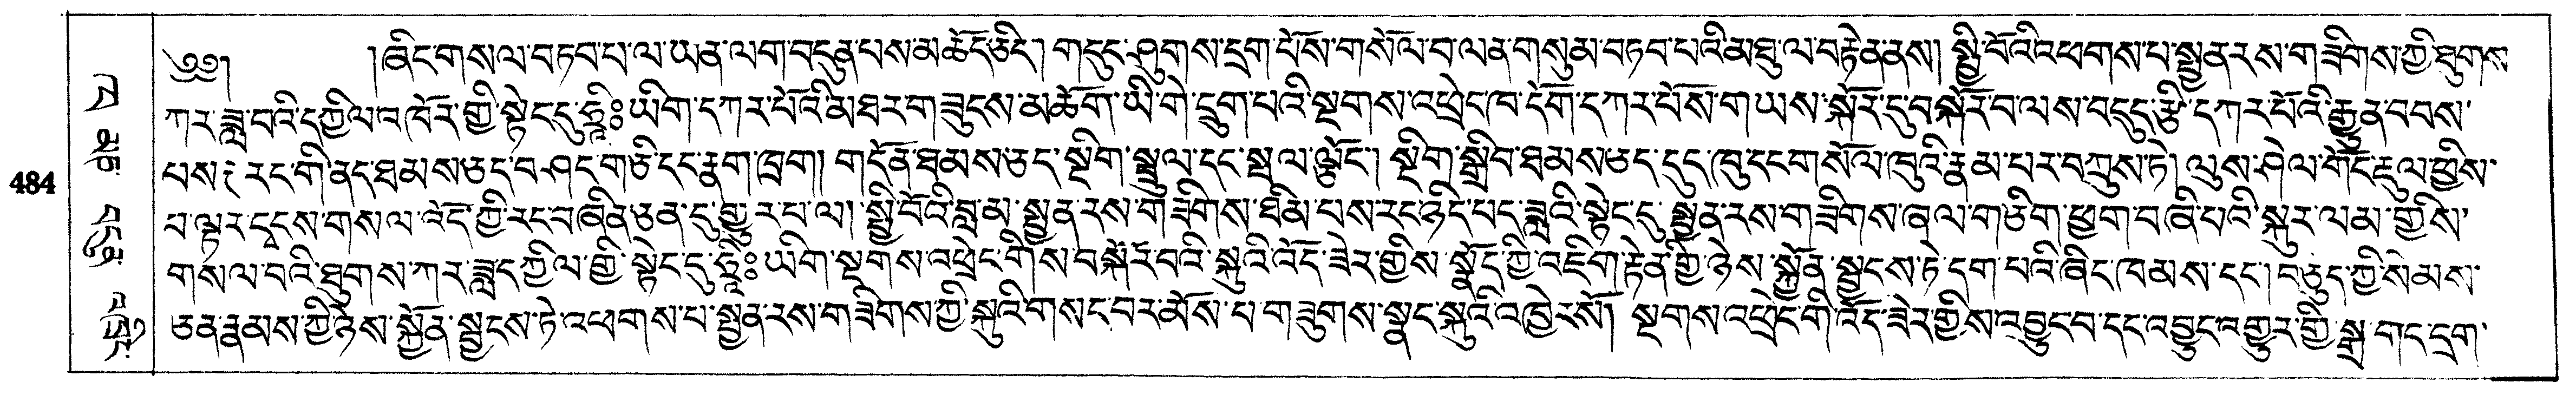༄༅། །ཞིང་གསལ་བཏབ་པ་ལ་ཡན་ལག་བདུན་པས་མཆོད་ཅིང་། གདུང་ཤུགས་དྲག་པོས་གསོལ་བ་ལན་གསུམ་བཏབ་པའི་མཐུ་ལ་བརྟེན་ནས། སྤྱི་བོའི་འཕགས་པ་སྤྱན་རས་གཟིགས་ཀྱི་ཐུགས་
ཀར་ཟླ་བའི་དཀྱིལ་འཁོར་གྱི་སྟེང་དུ་ཧྲཱིཿ ཡིག་དཀར་པོའི་མཐར་གཟུངས་མཆོག་ཡི་གེ་དྲུག་པའི་སྔགས་འཕྲེང་ཁ་དོག་དཀར་པོས་གཡས་སྐོར་དུ་བསྐོར་བ་ལས་བདུད་རྩི་དཀར་པོའི་རྒྱུན་བབས་
པས༑ རང་གི་ནད་ཐམས་ཅད་བཤད་གཅི་དང་རྣག་ཁྲག །གདོན་ཐམས་ཅད་སྡིག་སྦྲུལ་དང་སྤལ་ལྕོང་། སྡིག་སྒྲིབ་ཐམས་ཅད་དུད་ཁུ་དང་གསོལ་ཁུའི་རྣམ་པར་བཀྲུས་ཏེ། ལུས་ཤེལ་གོང་རྡུལ་ཕྱིས་
པ་ལྟར་དྭངས་གསལ་འོད་ཀྱི་རང་བཞིན་ཅན་དུ་གྱུར་པ་ལ། སྤྱི་བོའི་བླ་མ་སྤྱན་རས་གཟིགས་ཐིམ་པས་རང་ཉིད་པད་ཟླའི་སྟེང་དུ་སྤྱན་རས་གཟིགས་ཞལ་གཅིག་ཕྱག་བཞི་པའི་སྐུར་ལམ་གྱིས་
གསལ་བའི་ཐུགས་ཀར་ཟླ་དཀྱིལ་གྱི་སྟེང་དུ་ཧྲཱིཿ ཡིག་སྔགས་འཕྲེང་གིས་བསྐོར་བའི་སྐུའི་འོད་ཟེར་གྱིས་སྣོད་ཀྱི་འཇིག་རྟེན་གྱི་ཉེས་སྐྱོན་སྦྱངས་ཏེ་དག་པའི་ཞིང་ཁམས་དང་། བཅུད་ཀྱི་སེམས་
ཅན་རྣམས་ཀྱི་ཉེས་སྐྱོན་སྦྱངས་ཏེ་འཕགས་པ་སྤྱན་རས་གཟིགས་ཀྱི་སྐུའི་གསང་བར་མོས་པ་གཟུགས་སྣང་སྐུའི་འཁྱེར་སོ། སྔགས་འཕྲེང་གི་འོད་ཟེར་གྱིས་འབྱུང་བ་དང་འབྱུང་འགྱུར་གྱི་སྒྲ་གང་དྲག་